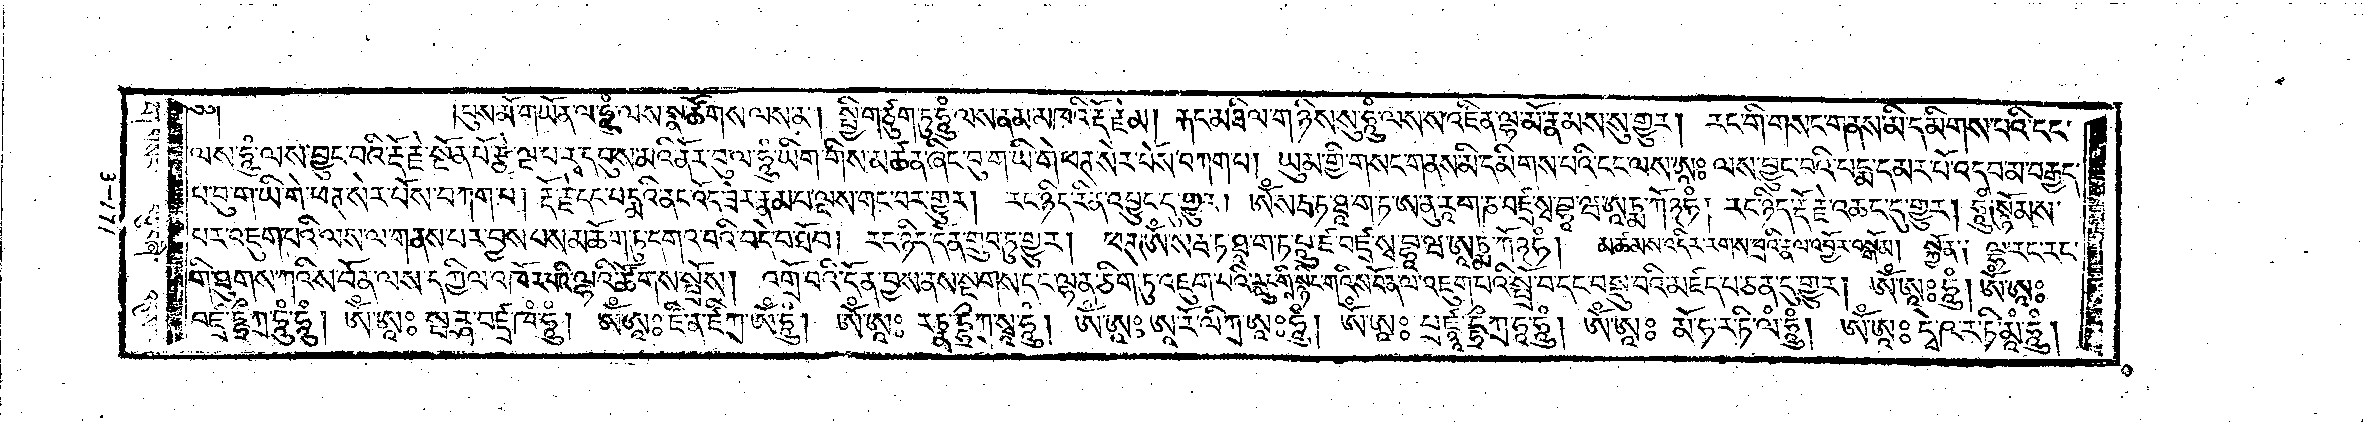༄༅། །པུས་མོ་གཡོན་ལ་ཧཱུཾ་ལས་སྣ་ཚོགས་ལས་མ། སྤྱི་གཙུག་ཏུ་ཧཱུཾ་ལས་ནམ་མཁའི་རྡོ་རྗེ་མ། རྐང་མཐིལ་གཉིས་སུ་ཧཱུཾ་ལས་ས་འཛིན་ལྷ་མོ་རྣམས་སུ་གྱུར། རང་གི་གསང་གནས་མི་དམིགས་པའི་ངང་
ལས་ཧཱུཾ་ལས་བྱུང་བའི་རྡོ་རྗེ་སྔོན་པོ་རྩེ་ལྔ་པ་རྭ་དབུས་མའི་ནོར་བུ་ལ་ཧཱུཾ་ཡིག་གིས་མཚན་ཞིང་བུ་ག་ཡི་གེ་ཕཊ་སེར་པོས་བཀག་པ། ཡུམ་གྱི་གསང་གནས་མི་དམིགས་པའི་ངང་ལས་ཨཱཿ ལས་བྱུང་བའི་པདམ་དམར་པོ་འདབ་མ་བརྒྱད་
པ་བུ་ག་ཡི་གེ་ཕཊ་སེར་པོས་བཀག་པ། རྡོ་རྗེ་དང་པདམའི་ནང་འོད་ཟེར་རྣམ་པ་ལྔས་གང་བར་གྱུར། རང་ཉིད་རིན་འབྱུང་དུ་གྱུར། ཨོཾ་སརྦ་ཏ་ཐཱ་ག་ཏ་ཨ་ནུ་རཱག་ཎ་བཛྲ་སྭ་བྷཱ་ཝ་ཨཱཏྨ་ཀོཉྷ྾། རང་ཉིད་རྡོ་རྗེ་འཆང་དུ་གྱུར། ཧཱུཾ༑ སྙོམས་
པར་འཇུག་པའི་ལས་ལ་གནས་པར་བྱས་པས་མཆོག་ཏུ་དགའ་བའི་བདེ་བ་ཐོབ། རང་ཉིད་དོན་གྲུབ་ཏུ་གྱུར། ཕཊ༑ ཨོཾ་སརྦ་ཏ་ཐཱ་ག་ཏ་པཱུ་ཛ་བཛྲ་སྭ་བྷཱ་ཝ་ཨཱཏྨ་ཀོཉྷཾ། མཚམས་འདིར་རགས་བྲའི་རྣལ་འབྱོར་བསྒོམ། སྐྱོན༑ ལྷ་རང་རང་
གི་ཐུགས་ཀའི་ས་བོན་ལས་དཀྱིལ་འཁོར་པའི་ལྷའི་ཚོགས་སྤྲོས། འགྲོ་བའི་དོན་བྱས་ནས་སྔགས་དང་ལྷན་ཅིག་ཏུ་འཇུག་པའི་རླུང་གིས་སྙིང་གའི་ས་བོན་ལ་འཇུག་པའི་སྤྲོ་བ་དང་བསྡུ་བའི་མཛད་པ་ཅན་དུ་གྱུར། ཨོཾ་ཨཱཿཧཱུཾ། ཨོཾ་ཨཱཿ
བཛྲ་ཕྲྀཀྲ་ཧཱུཾ་ཧཱུཾ། ཨོཾ་ཨཱཿ སྤརྴ་བཛྲ་ཁཾ་ཧཱུཾ། ཨོཾ་ཨཱཿ ཛི་ན་ཛི་ཀྲ་ཨོཾ་ཧཱུཾ། ཨོཾ་ཨཱཿ རཏྣ་དྷྲྀ་ཀ་སྭཱ་ཧཱུཾ། ཨོཾ་ཨཱཿཨཱ་རོ་ལིཀྲ་ཨཱཿཧཱུཾ། ཨོཾ་ཨཱཿཔྲ་ཛྙཱ་དྷྲྀཀྲ་ཧཱ་ཧཱུཾ། ཨོཾ་ཨཱཿ མོ་ཧ་ར་ཏི་ལཾ་ཧཱུཾ། ཨོཾ་ཨཱཿདྭེ་ཥ་ར་ཏི་མཱཾ་ཧཱུཾ།